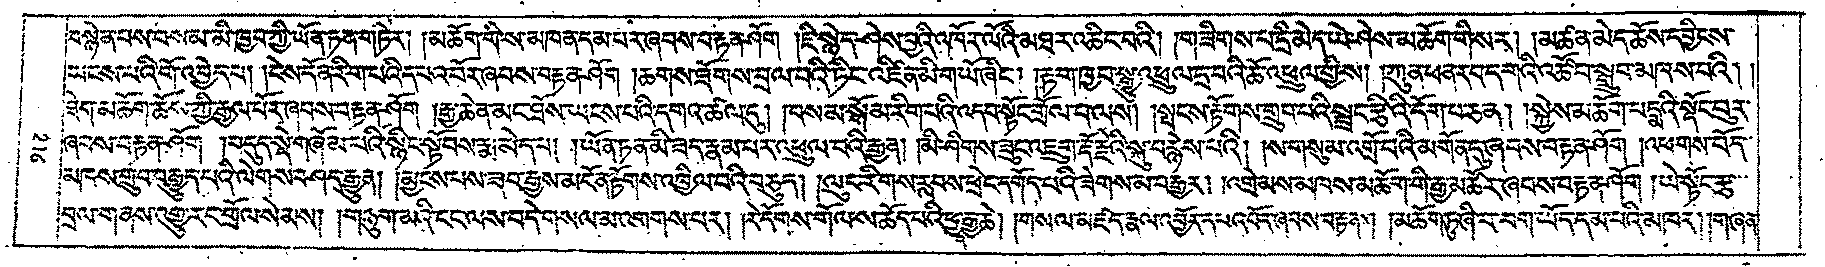བསྙེན་པས་བསམ་མི་ཁྱབ་ཀྱི་ཡོན་ཏན་གཏེར། །མཆོག་གིས་མཁན་དམ་པར་ཞབས་བརྟན་ཤོག །ཇི་སྙེད་ཤེས་བྱའི་འཁོར་ལོའི་མཐར་འཆིང་བའི། །གཟིགས་པ་དྲི་མེད་ཡེ་ཤེས་མཆོག་གི་སར། །མཚན་མེད་ཆོས་དབྱིངས་
ཡངས་པའི་གོ་འབྱེད་པ། །ངེས་དོན་རིག་པའི་དཔའ་བོར་ཞབས་བརྟན་ཤོག །ཆགས་ཐོགས་བྲལ་བའི་ཏིང་འཛིན་མི་གཡོ་ཞིང་། །རྟག་ཁྱབ་སྒྱུ་འཕྲུལ་དྲ་བའི་ཆོ་འཕྲུལ་གྱིས། །ཀུན་ཕན་རབ་དགའི་འཚོ་བ་སྒྲུབ་མཁས་པའི། །
ཐེག་མཆོག་ཆོས་ཀྱི་རྒྱལ་པོར་ཞབས་བརྟན་ཤོག །རྒྱ་ཆེན་མང་ཐོས་ཡངས་པའི་དགའ་ཚལ་དུ། །བསམ་སྒོམ་རིག་པའི་འདབ་སྟོང་གྲོལ་བ་ལས། །སྤངས་རྟོགས་གྲུབ་པའི་སྦྲང་རྩིའི་དོག་པ་ཅན། །སྐྱེས་མཆོག་པདམའི་སྡོང་བུར་
ཞབས་བརྟན་ཤོག །བདུད་སྡེ་གཞོམ་པའི་སྙིང་སྟོབས་རྨ་མེད་པ། །ཡོན་ཏན་མི་ཟད་རྣམ་པར་འཕྲུལ་བའི་རྒྱན། །མི་ཤིགས་ཟུང་འཇུག་རྡོ་རྗེའི་སྐུ་བརྙེས་པའི། །ས་གསུམ་འགྲོ་བའི་མགོན་དུ་ཞབས་བརྟན་ཤོག །འཕགས་བོད་
མཁས་གྲུབ་བརྒྱུད་པའི་ལེགས་བཤད་རྒྱུན། །མྱངས་པས་ཟབ་རྒྱས་མངོན་རྟོགས་འཁྱིལ་བའི་བཅུད། །ལུང་རིགས་རླབས་ཕྲེང་དགོད་པའི་ཟེགས་མ་བརྒྱར། །འགྲེམས་མཁས་མཆོག་གི་རྒྱ་མཚོར་ཞབས་བརྟན་ཤོག །ཡེ་སྟོང་རྩ་
བྲལ་གནས་འགྱུ་རང་གྲོལ་སེམས། །གཉུག་མའི་ངང་ལས་བདེ་གསལ་མ་འགགས་པར། །རེ་དོགས་གོལ་ས་ཆོད་པའི་ཕྱག་རྒྱ་ཆེ། །གསལ་མཛད་རྣལ་འབྱོར་དཔའ་བོར་ཞབས་བརྟན་྾། །མཆོག་ཏུ་ཞི་བ་བག་ཡོད་དམ་པའི་མཁར། །གཞན་